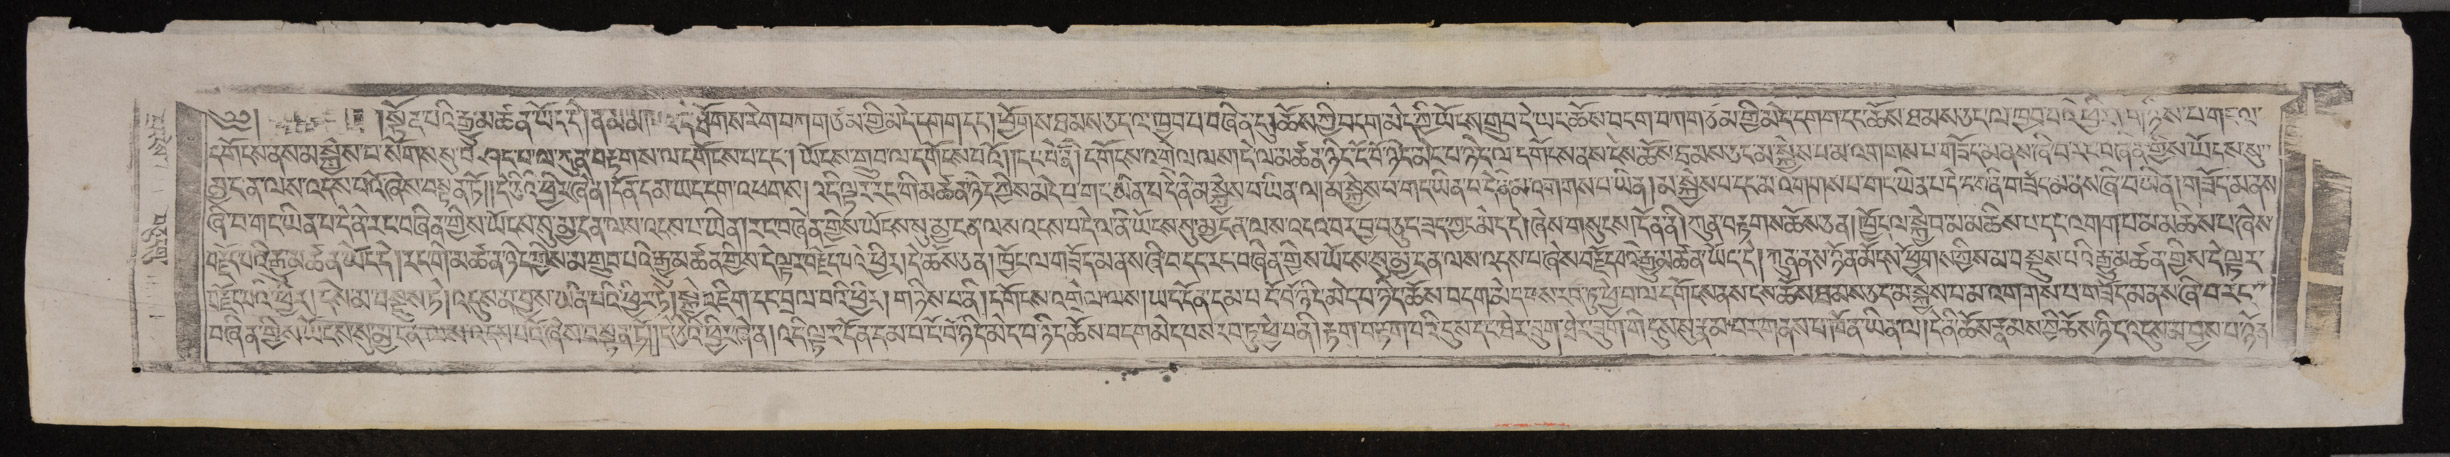༄༅། །སྟོན་པའི་རྒྱུ་མཚན་ཡོད་དེ། ནམ་མཁའ་དེ་ཐོགས་རེག་བཀག་ཙམ་གྱི་མེད་དགག་དང་། ཕྱོགས་ཐམས་ཅད་ལ་ཁྱབ་པ་བཞིན་དུ། ཆོས་ཀྱི་བདག་མེད་ཀྱི་ཡོངས་གྲུབ་དེ་ཡང་ཆོས་བདག་བཀག་ཙམ་གྱི་མེད་དགག་དང་ཆོས་ཐམས་ཅད་ལ་ཁྱབ་པའི་ཕྱིར། གཉིས་པ་གང་ལ་
དགོངས་ནས་མ་སྐྱེས་པ་སོགས་སུ་བཤད་པ་ལ་ཀུན་བརྟགས་ལ་དགོངས་པ་དང་། ཡོངས་གྲུབ་ལ་དགོངས་པའོ། །དང་པོ་ནི། དགོངས་འགྲེལ་ལས། དེ་ལ་མཚན་ཉིད་ངོ་བོ་ཉིད་མེད་པ་ཉིད་ལ་དགོངས་ནས་ངས་ཆོས་ཐམས་ཅད་མ་སྐྱེས་པ་མ་འགགས་པ་གཟོད་མ་ནས་ཞི་བ་རང་བཞིན་གྱིས་ཡོངས་སུ་
མྱང་ངན་ལས་འདས་པའོ་ཞེས་བསྟན་ཏོ། །དེ་ཅིའི་ཕྱིར་ཞེ་ན། དོན་དམ་ཡང་དག་འཕགས། འདི་ལྟར་རང་གི་མཚན་ཉིད་ཀྱིས་མེད་པ་གང་ཡིན་པ་དེ་ནི་མ་སྐྱེས་པ་ཡིན་ལ། མ་སྐྱེས་པ་གང་ཡིན་པ་དེ་ནི་མ་འགགས་པ་ཡིན། མ་སྐྱེས་པ་དང་མ་འགགས་པ་གང་ཡིན་པ་དེ་དག་ནི་གཟོད་མ་ནས་ཞི་བ་ཡིན། གཟོད་མ་ནས་
ཞི་བ་གང་ཡིན་པ་དེ་ནི་རང་བཞིན་གྱིས་ཡོངས་སུ་མྱང་ངན་ལས་འདས་པ་ཡིན། རང་བཞིན་གྱིས་ཡོངས་སུ་མྱང་ངན་ལས་འདས་པ་དེ་ལ་ནི་ཡོངས་སུ་མྱ་ངན་ལས་འདའ་བར་བྱ་བ་ཅུང་ཟད་ཀྱང་མེད་དེ། ཞེས་གསུངས། དོན་ནི། ཀུན་བརྟགས་ཆོས་ཅན། ཁྱོད་ལ་སྐྱེ་བ་མ་མཆིས་པ་དང་འགག་པ་མ་མཆིས་པ་ཞེས་
བརྗོད་པའི་རྒྱུ་མཚན་ཡོད་དེ། རང་གི་མཚན་ཉིད་ཀྱིས་མ་གྲུབ་པའི་རྒྱུ་མཚན་གྱིས་དེ་ལྟར་བརྗོད་པའི་ཕྱིར། དེ་ཆོས་ཅན། ཁྱོད་ལ་གཟོད་མ་ནས་ཞི་བ་དང་རང་བཞིན་གྱིས་ཡོངས་སུ་མྱང་ངན་ལས་འདས་པ་ཞེས་བརྗོད་པའི་རྒྱུ་མཚན་ཡོད་དེ། ཀུན་ནས་ཉོན་མོངས་ཕྱོགས་ཀྱིས་མ་བསྡུས་པའི་རྒྱུ་མཚན་གྱིས་དེ་ལྟར་
བརྗོད་པའི་ཕྱིར། དེས་མ་བསྡུས་ཏེ། འདུས་མ་བྱ་ཡིན་པའི་ཕྱིར་ཏེ། སྐྱེ་འཇིག་དང་བྲལ་བའི་ཕྱིར། གཉིས་པ་ནི། དགོངས་འགྲེལ་ལས། ཡང་དོན་དམ་པ་ངོ་བོ་ཉིད་མེད་པ་ཉིད་ཆོས་བདག་མེད་པས་རབ་ཏུ་ཕྱེ་བ་ལ་དགོངས་ནས་ངས་ཆོས་ཐམས་ཅད་མ་སྐྱེས་པ་མ་འགགས་པ་གཟོད་མ་ནས་ཞི་བ་རང་
བཞིན་གྱིས་ཡོངས་སུ་མྱང་ངན་ལས་འདས་པའོ་ཞེས་བསྟན་ཏོ། །དེ་ཅིའི་ཕྱིར་ཞེ་ན། འདི་ལྟར་དོན་དམ་པ་ངོ་བོ་ཉིད་མེད་པ་ཉིད་ཆོས་བདག་མེད་པས་རབ་ཏུ་ཕྱེ་བ་ནི། རྟག་པ་རྟག་པའི་དུས་དང་ཐེར་ཟུག་ཐེར་ཟུག་གི་དུས་སུ་རྣམ་པར་གནས་པ་ཁོ་ན་ཡིན་ལ། དེ་ནི་ཆོས་རྣམས་ཀྱི་ཆོས་ཉིད་འདུས་མ་བྱས་པ་ཉོན་